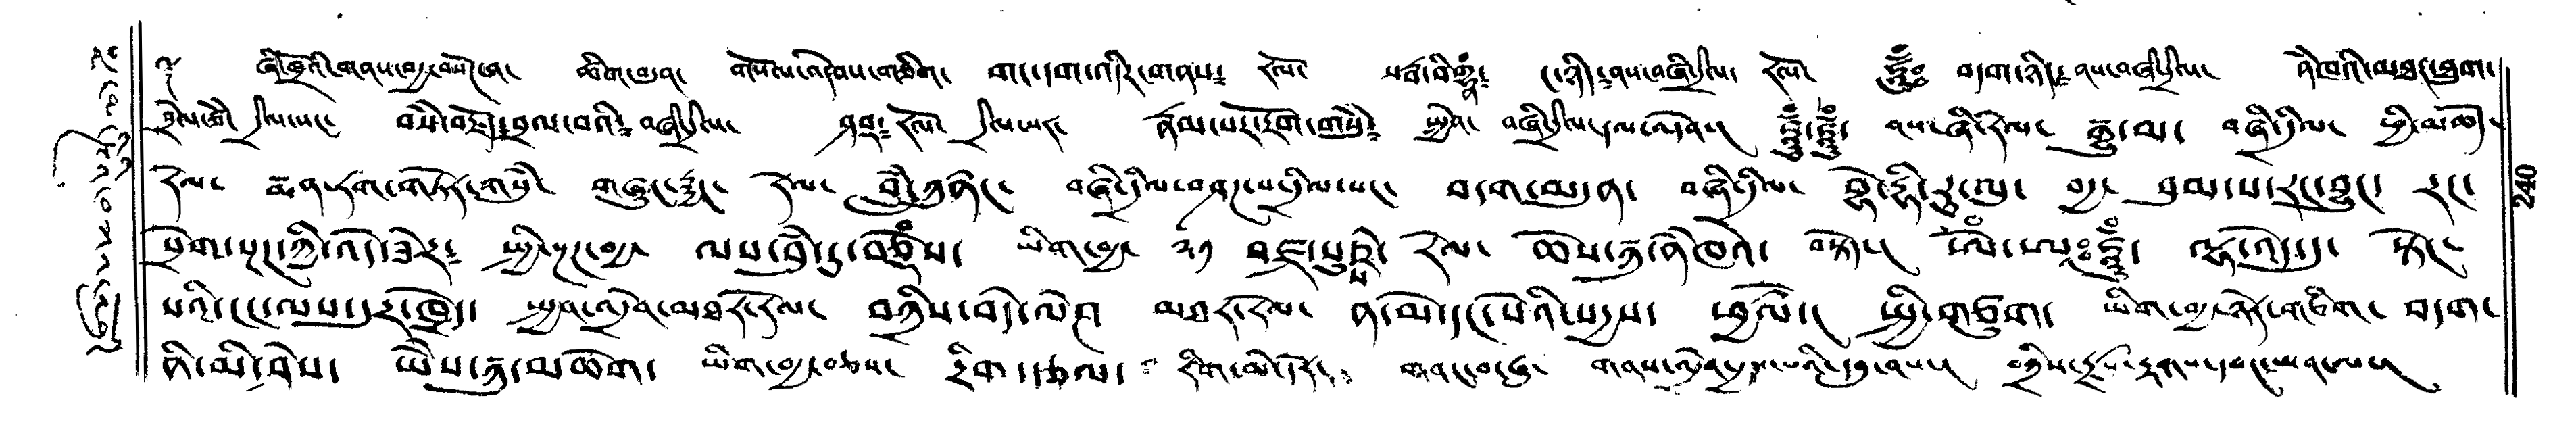༈ ཞི་ཁྲོ་གནས་བརྒྱ་བསོག་ན། ཚིག་བདུན་གསོལ་འདེབས་གཅིག གང་དག་འདིར་གནས༴ རོལ་མོ། སརྦ་བིགྷྣཾ༴ ང་ཉིད༴ ནས་བཞི་དྲིལ། རོལ་མོ། ཧཱུཾཿ བདག་ཉིད༴ ནས་བཞི་དྲིལ། ནམ་མཁའི་མཐར་ཐུག༴ 
བྲེལ་ཙམ། དྲིལ་སང་། བསམ་བརྗོད་བྲལ་བའི༴ བཞི་དྲིལ། ཤབྡ༴ རོལ་མོ། དྲིལ་སང་། རྣམ་པར་རྟོག་གསུམ༴ སྤྱན་འདྲེན། བཞི་དྲིལ་དལ་འདོན། ཧཱུྃ་ཧཱུྃ༔ ནས་ཞི་རོལ། སྒྱུ་མ༴ བཞི་དྲིལ། ཕྱི་མཆོད། 
རོལ། སྨན་རཀ་གཏོར་གསུམ། གཞུང་རྐྱང་། རོལ། བླ་མ་ཀུན་བཟང༴ བཞི་དྲིལ་བཤགས་པ་དྲིལ་སང་། བདག་མདུན༴ བཞི་དྲིལ། བྷོ་དྷི་རུ་ལུ། བརྒྱ། བུམ་པ་རང་བྱུང༴ རང་
སྲོག་སྔགས་ཀྱི་འོད་ཟེར༴ སྤྱི་སྔགས་བརྒྱ། ལས་བུམ་དུ་བཅོམ་ལྡན་འདས༴ ཡིག་བརྒྱ་ཉེར་གཅིག བཛྲ་པུཥྤེ༴ རོལ། ཆོས་སྐུ་ནམ་མཁའ༴ བསྟོད། ཨོཾ་ཨཱཿཧཱུྃ༔ ལྷ་འོད་དུ། སྟོང་
པའི་ངང་ལས་དུར་ཁྲོད༴ སྤྱན་འདྲེན་མཐར་རོལ། བཀྲ་ཤིས་བདེ་ལེགས༴ མཐར་རོལ། ན་མོ༔ དང་པོའི་སངས་རྒྱས༴ ཕྱག་འཚལ་ལོ༔ སྤྱི་གཙུག༴ ཡིག་བརྒྱ་ཉེར་གཅིག བདག་
ནི་མི་ཤེས༴ ཡེ་ཤེས་སྐུ་མཆོག༴ ཡིག་བརྒྱ་བཅས། རིག་རྩལ༴ རིག་མེ་དོར། གནང་བ་ཞུ། གནས་འདྲེན་རྒྱས་པའི་དབུ་ནས། བཀྲ་ཤིས་རྫས་རྟགས་དབང་ཡན་ལ།